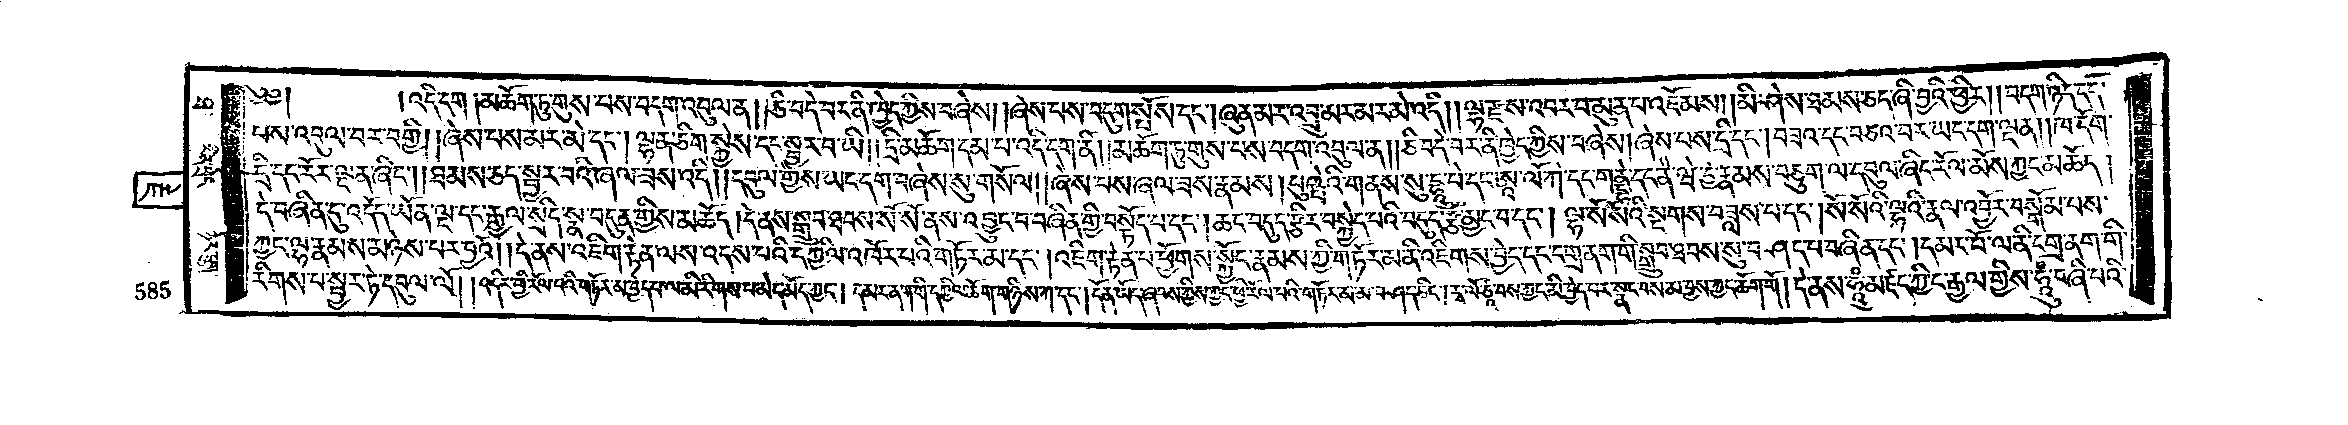༄༅། །འདི་དག །མཆོག་ཏུ་གུས་པས་བདག་འབུལ་ན། །ཅི་བདེ་བར་ནི་ཁྱེད་ཀྱིས་བཞེས། །ཞེས་པས་བདུག་སྤོས་དང་། ཞུན་མར་འབྲུ་མར་མར་མེ་འདི། །ལྷ་རྫས་འབར་བ་མུན་པ་འཇོམས། །མི་ཤེས་ཐམས་ཅད་ཞི་བྱའི་ཕྱིར། །བདག་ཉིད་དད་
པས་འབུལ་བར་བགྱི། །ཞེས་པས་མར་མེ་དང་། ལྷན་ཅིག་སྐྱེས་དང་སྦྱར་བ་ཡི། །དྲི་མཆོག་དམ་པ་འདི་དག་ནི། །མཆོག་ཏུ་གུས་པས་བདག་འབུལ་ན། །ཅི་བདེ་བར་ནི་ཁྱེད་ཀྱིས་བཞེས། ཞེས་པས་དྲི་དང་། བཟའ་དང་བཅའ་བར་ཡང་དག་ལྡན། །ཁ་དོག་
དྲི་དང་རོར་ལྡན་ཞིང་། །ཐམས་ཅད་སྦྱར་བའི་ཞལ་ཟས་འདི། །དབུལ་གྱིས་ཡང་དག་བཞེས་སུ་གསོལ། །ཞེས་པས་ཞལ་ཟས་རྣམས། པུཥྤེའི་གནས་སུ་དྷཱུ་པེ་དང་ཨཱ་ལོ་ཀེ་དང་གནྡྷེ་དང་ནཻ་ཝེ་དྱེ་རྣམས་བཅུག་ལ་དབུལ་ཞིང་རོལ་མོས་ཀྱང་མཆོད།
དེ་བཞིན་དུ་འདོད་ཡོན་ལྔ་དང་རྒྱལ་སྲིད་སྣ་བདུན་གྱིས་མཆོད། དེ་ནས་སྒྲུབ་ཐབས་སོ་སོ་ནས་འབྱུང་བ་བཞིན་གྱི་བསྟོད་པ་དང་། ཆང་བདུད་རྩིར་བསྐྱེད་པའི་བདུད་རྩི་མྱང་བ་དང་། ལྷ་སོ་སོའི་སྔགས་བཟླས་པ་དང་། སོ་སོའི་ལྷའི་རྣལ་འབྱོར་བསྒོམ་པས་
ཀྱང་ལྷ་རྣམས་མཉེས་པར་བྱའོ། །དེ་ནས་འཇིག་རྟེན་ལས་འདས་པའི་དཀྱིལ་འཁོར་པའི་གཏོར་མ་དང་། འཇིག་རྟེན་པ་ཕྱོགས་སྐྱོང་རྣམས་ཀྱི་གཏོར་མ་ནི་འཇིགས་བྱེད་དང་དགྲ་ནག་གི་སྒྲུབ་ཐབས་སུ་བཤད་པ་བཞིན་དང་། དམར་པོ་ལ་ནི་དགྲ་ནག་གི་
རིགས་པ་སྦྱར་ཏེ་དབུལ་ལོ། །འདིར་ཕྱེ་རོལ་པའི་གཏོར་མ་བྱེད་པ་ལ་མི་རིགས་པ་མེད་མོད་ཀྱང་། དམར་ནག་གི་དཀྱིལ་ཆོག་གཉིས་ཀ་དང་། དོན་ཡོད་ཞབས་ཀྱིས་ཀྱང་ཕྱི་རོལ་པའི་གཏོར་མ་མ་བཤད་ཅིང་། རྭ་ལོ་ཙཱ་བས་ཀྱང་མི་བྱེད་པར་སྣང་བསམ་བྱས་ཀྱང་ཆོག་གོ་།དེ་ནས་ཧཱུཾ་མཛད་ཀྱི་ང་རྒྱལ་གྱིས་ཧཱུཾ་བཞི་པའི་